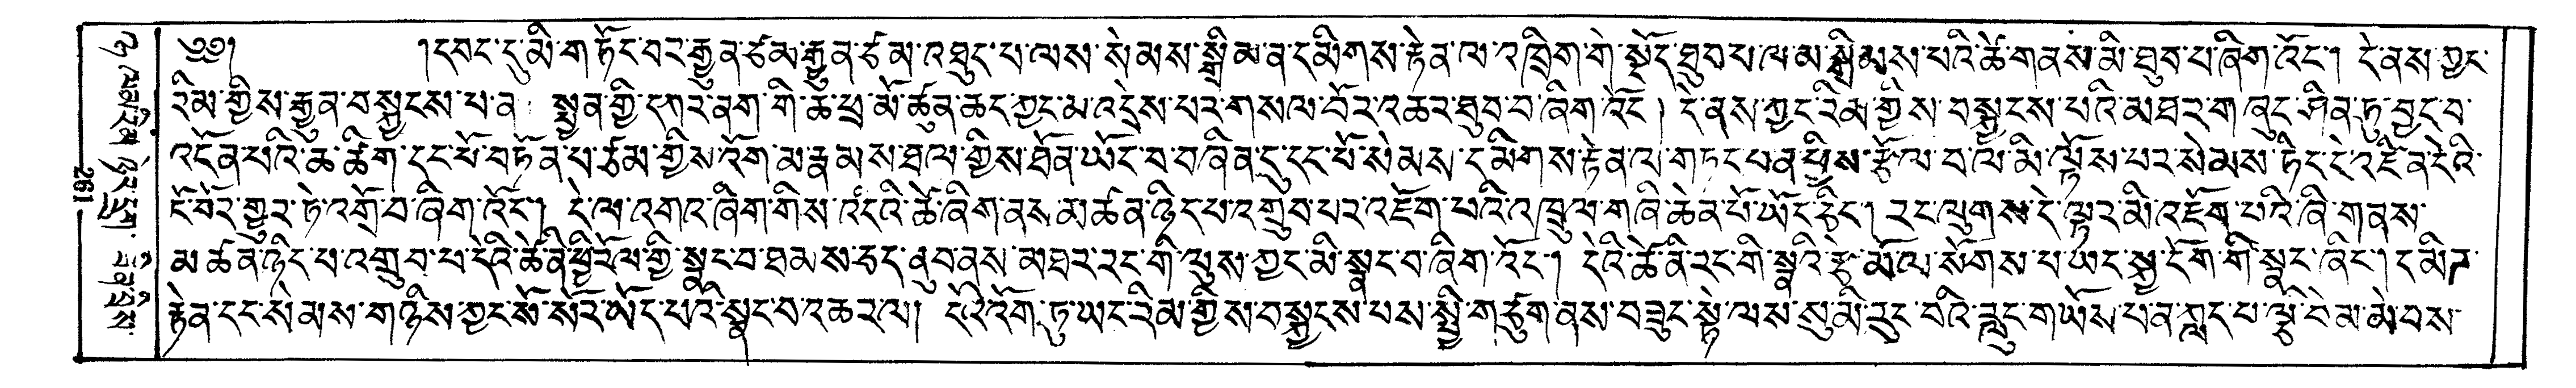༄༅། །དབང་དུ་མི་གཏོང་བར་རྒྱུན་ཙམ་རྒྱུན་ཙམ་འཐུད་པ་ལས་སེམས་སྒྲིམ་ན་དམིགས་རྟེན་ལ་འཁྲིག་གེ་སྡོད་ཐུབ་པ་ལ་མ་སྒྲིམས་པའི་ཚེ་གནས་མི་ཐུབ་པ་ཞིག་འོང་། དེ་ནས་ཀྱང་
རིམ་གྱི་ས་རྒྱུན་བསྐྱངས་པ་ན། སྤྱན་གྱི་དཀར་ནག་གི་ཆ་ཕྲ་མོ་ཚུན་ཆད་ཀྱང་མ་འདྲེས་པར་གསལ་པོར་འཆར་ཐུབ་པ་ཞིག་འོང་། དེ་ནས་ཀྱང་རིམ་གྱིས་བསྐྱངས་པའི་མཐར་གཞུང་ཤིན་ཏུ་བྱང་བ་
འདོན་པའི་ཆེ་ཚིག་དང་པོ་བཏོན་པ་ཙམ་གྱིས་འོག་མ་རྣམས་ཐལ་གྱིས་ཐོན་ཡོད་བ་བཞིན་དུ་དང་པོ་སེམས་དམིགས་རྟེན་ལ་གཏད་པ་ན་ཕྱིས་རྩོལ་བ་ལ་མི་ལྟོས་པར་སེམས་ཏིང་ངེ་འཛིན་དེའི་
ངོ་བོར་གྱུར་ཏེ་འགྲོ་བ་ཞིག་འོང་། དེ་ལ་འགའ་ཞིག་གིས་འདིའི་ཚེ་ཞིག་ནས་མཚན་ཉིད་པ་འགྲུབ་པར་འཇོག་པའི་འཁྲུལ་གཞི་ཆེན་པོ་ཡོད་ཅིང་། རང་ལུགས་དེ་ལྟར་མི་འཇོག་པའི་ཞི་གནས་
མཚན་ཉིད་པ་འགྲུབ་པ་དེའི་ཚེ་ནི་ཕྱི་རོལ་གྱི་སྣང་བ་ཐམས་ཅད་ནུབ་ནས་མཐར་རང་གི་ལུས་ཀྱང་མི་སྣང་བ་ཞིག་འོང་། དེའི་ཚེ་ནི་རང་གི་སྣའི་རྩེ་མོ་ལ་སོགས་པ་ཡང་སྐྱ་དོག་གི་སྣང་ཞིང་། དམིཌ་
རྟེན་དང་སེམས་གཉིས་ཀྱང་སོ་སོར་ཡོད་པའི་སྣང་བ་འཆར་ལ། དེའི་འོག་ཏུ་ཡང་རིམ་གྱིས་བསྐྱངས་པས་སྤྱི་གཙུག་ནས་བཟུང་སྟེ་ལས་སུ་མི་རུང་བའི་རླུང་གཡོས་པ་ན་ཀླད་པ་ལྕི་བེམ་མེ་བས་